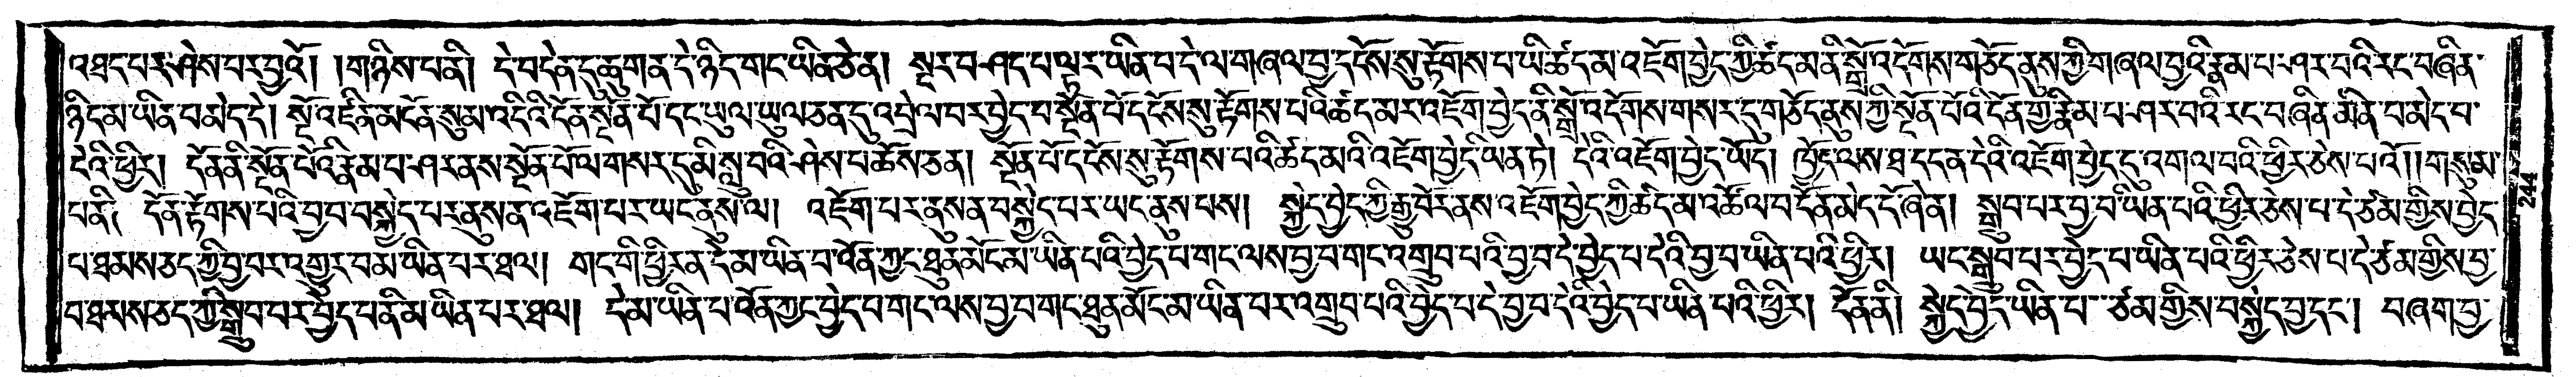འཐད་པར་ཤེས་པར་བྱའོ། །གཉིས་པ་ནི། དེ་བདེན་དུ་ཆུག་ན་དེ་ཉིད་གང་ཡིན་ཅེ་ན། སྔར་བཤད་པ་ལྟར་ཡིན་པ་དེ་ལ་གཞལ་བྱ་དངོས་སུ་རྟོགས་པ་ཡི་ཚད་མ་འཇོག་བྱེད་ཀྱི་ཚད་མ་ནི་སྒྲོ་འདོགས་གཅོད་ནུས་ཀྱི་གཞལ་བྱའི་རྣམ་པ་ཤར་བའི་རང་བཞིན་
ཉིད་མ་ཡིན་པ་མེད་དེ། སྔོ་འཛིན་མངོན་སུམ་འདིའི་དོན་སྔོན་པོ་དང་ཡུལ་ཡུལ་ཅན་དུ་འབྲེལ་བར་བྱེད་པ་སྔོན་པོ་དངོས་སུ་རྟོགས་པའི་ཚད་མར་འཇོག་བྱེད་ནི་སྒྲོ་འདོགས་གསར་དུ་གཅོད་ནུས་ཀྱི་སྔོན་པོའི་དོན་གྱི་རྣམ་པ་ཤར་བའི་རང་བཞིན་མིན་པ་མེད་པ་
དེའི་ཕྱིར། དོན་ནི་སྔོན་པོའི་རྣམ་པ་ཤར་ནས་སྔོན་པོ་ལ་གསར་དུ་མི་སླུ་བའི་ཤེས་པ་ཆོས་ཅན། སྔོན་པོ་དངོས་སུ་རྟོགས་པའི་ཚད་མའི་འཇོག་བྱེད་ཡིན་ཏེ། དེའི་འཇོག་བྱེད་ཡོད། ཁྱོད་ལས་ཐ་དད་ན་དེའི་འཇོག་བྱེད་དུ་འགལ་བའི་ཕྱིར་ཅེས་པའོ། །གསུམ་
པ་ནི། དོན་རྟོགས་པའི་བྱ་བ་བསྐྱེད་པར་ནུས་ན་འཇོག་པར་ཡང་ནུས་ལ། འཇོག་པར་ནུས་ན་བསྐྱེད་པར་ཡང་ནུས་པས། སྐྱེད་བྱེད་ཀྱི་རྒྱུ་བོར་ནས་འཇོག་བྱེད་ཀྱི་ཚད་མ་འཚོལ་བ་དོན་མེད་དོ་ཞེ་ན། སྒྲུབ་པར་བྱ་བ་ཡིན་པའི་ཕྱིར་ཅེས་པ་དེ་ཙམ་གྱིས་བྱེད་
པ་ཐམས་ཅད་ཀྱི་བྱ་བར་འགྱུར་བ་མ་ཡིན་པར་ཐལ། གང་གི་ཕྱིར་ན་དེ་མ་ཡིན་པ་འོན་ཀྱང་ཐུན་མོང་མ་ཡིན་པའི་བྱེད་པ་གང་ལས་བྱ་བ་གང་འགྲུབ་པའི་བྱ་བ་དེ་བྱེད་པ་དེའི་བྱ་བ་ཡིན་པའི་ཕྱིར། ཡང་སྒྲུབ་པར་བྱེད་པ་ཡིན་པའི་ཕྱིར་ཅེས་པ་དེ་ཙམ་གྱིས་བྱ་
བ་ཐམས་ཅད་ཀྱི་སྒྲུབ་པར་བྱེད་པ་ནི་མ་ཡིན་པར་ཐལ། དེ་མ་ཡིན་པ་འོན་ཀྱང་བྱེད་པ་གང་ལས་བྱ་བ་གང་ཐུན་མོང་མ་ཡིན་པར་འགྲུབ་པའི་བྱེད་པ་དེ་བྱ་བ་དེའི་བྱེད་པ་ཡིན་པའི་ཕྱིར། དོན་ནི། སྐྱེད་བྱེད་ཡིན་པ་ཙམ་གྱིས་བསྐྱེད་བྱ་དང་། བཞག་བྱ་